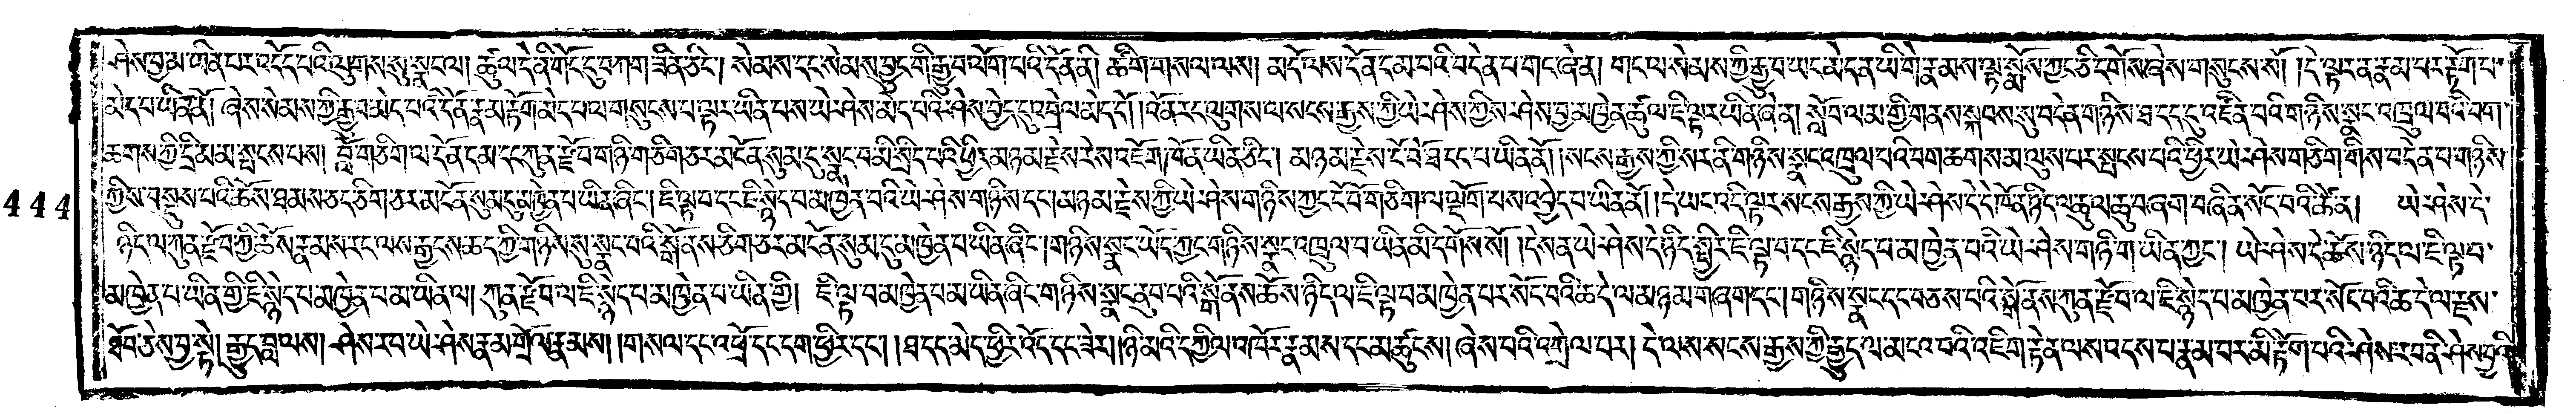ཤེས་བྱ་མ་ཡིན་པར་འདོད་པའི་ལུགས་སུ་སྣང་ལ། ཚུལ་དེ་ནི་གོང་དུ་བཀག་ཟིན་ཅིང་། སེམས་དང་སེམས་བྱུང་གི་རྒྱུ་བ་ལོག་པའི་དོན་ནི། ཚིག་གསལ་ལས། མདོ་ལས་དོན་དམ་བའི་བདེན་པ་གང་ཞེ་ན། གང་ལ་སེམས་ཀྱི་རྒྱུ་བ་ཡང་མེད་ན་ཡི་གེ་རྣམས་ལྟ་སྨོས་ཀྱང་ཅི་དགོས་ཞེས་གསུངས་སོ། །དེ་ལྟར་ན་རྣམ་པར་རྟོག་པ་
མེད་པ་ཡིན་ནོ། ཞེས་སེམས་ཀྱི་རྒྱུ་བ་མེད་པའི་དོན་རྣམ་རྟོག་མེད་པ་ལ་གསུངས་པ་ལྟར་ཡིན་པས་ཡེ་ཤེས་མེད་པའི་ཤེས་བྱེད་དུ་འབྲེལ་མེད་དོ། །འོ་ན་རང་ལུགས་ལ་སངས་རྒྱས་ཀྱི་ཡེ་ཤེས་ཀྱིས་ཤེས་བྱ་མཁྱེན་ཚུལ་ཇི་ལྟར་ཡིན་ཞེ་ན། སློབ་ལམ་གྱི་གནས་སྐབས་སུ་བདེན་གཉིས་ཐ་དད་དུ་འཛིན་བའི་གཉིས་སྣང་འཁྲུལ་བའི་བག་
ཆགས་ཀྱི་དྲི་མ་མ་སྤངས་པས། བློ་གཅིག་ལ་དོན་དམ་དང་ཀུན་རྫོབ་གཉི་གཅིག་ཅར་མངོན་སུམ་དུ་སྣང་བ་མི་སྲིད་པའི་ཕྱིར་མཉམ་རྗེས་རེས་འཇོག་ཁོ་ན་ཡིན་ཅིང་། མཉམ་རྗེས་ངོ་བོ་ཐ་དད་པ་ཡིན་ནོ། །སངས་རྒྱས་ཀྱི་སར་ནི་གཉིས་སྣང་འཁྲུལ་བའི་བག་ཆགས་མ་ལུས་པར་སྤངས་པའི་ཕྱིར་ཡེ་ཤེས་གཅིག་གིས་བདེན་པ་གཉིས་
ཀྱིས་བསྡུས་པའི་ཆོས་ཐམས་ཅད་ཅིག་ཅར་མངོན་སུམ་དུ་མཁྱེན་པ་ཡིན་ཞིང་། ཇི་ལྟ་བ་དང་ཇི་སྙེད་བ་མཁྱེན་བའི་ཡེ་ཤེས་གཉིས་དང་། མཉམ་རྗེས་ཀྱི་ཡེ་ཤེས་གཉིས་ཀྱང་ངོ་བོ་གཅིག་ལ་ལྡོག་བས་འབྱེད་པ་ཡིན་ནོ། །དེ་ཡང་འཇི་ལྟར་སངས་རྒྱས་ཀྱི་ཡེ་ཤེས་དེ་དེ་ཁོ་ན་ཉིད་ལ་ཆུ་ལ་ཆུ་བཞག་བཞིན་སོང་བའི་ཚེ་ན། ཡེ་ཤེས་དེ་
ཉིད་ལ་ཀུན་རྫོབ་ཀྱི་ཆོས་རྣམས་རང་ལས་རྒྱངས་ཆད་ཀྱི་གཉིས་སུ་སྣང་བའི་སྒོ་ནས་ཅིག་ཅར་མངོན་སུམ་དུ་མཁྱེན་པ་ཡིན་ཞིང་། གཉིས་སྣང་ཡོད་ཀྱང་གཉིས་སྣང་འཁྲུལ་བ་ཡིན་མི་དགོས་སོ། །དེས་ན་ཡེ་ཤེས་དེ་ཉིད་སྤྱིར་ཇི་ལྟ་བ་དང་ཇི་སྙེད་བ་མཁྱེན་བའི་ཡེ་ཤེས་གཉི་ག་ཡིན་ཀྱང་། ཡེ་ཤེས་དེ་ཆོས་ཉིད་ལ་ཇི་ལྟ་བ་
མཁྱེན་པ་ཡིན་གྱི་ཇི་སྙེད་པ་མཁྱེན་པ་མ་ཡིན་ལ། ཀུན་རྫོབ་ལ་ཇི་སྙེད་པ་མཁྱེན་པ་ཡིན་གྱི། ཇི་ལྟ་བ་མཁྱེན་བ་མ་ཡིན་ཞིང་གཉིས་སྣང་ནུབ་པའི་སྒོ་ནས་ཆོས་ཉིད་ལ་ཇི་ལྟ་བ་མཁྱེན་པར་སོང་བའི་ཆ་དེ་ལ་མཉམ་གཞག་དང་། གཉིས་སྣང་དང་བཅས་པའི་སྒོ་ནས་ཀུན་རྫོབ་ལ་ཇི་སྙེད་པ་མཁྱེན་པར་སོང་བའི་ཆ་དེ་ལ་རྔས་
ཐོབ་ཅེས་བྱ་སྟེ། རྒྱུད་བླ་ལས། ཤེས་རབ་ཡེ་ཤེས་རྣམ་གྲོལ་རྣམས། །གསལ་དང་འཕྲོ་དང་དག་ཕྱིར་དང་། །ཐ་དད་མེད་ཕྱིར་འོད་དང་ཟེར། །ཉི་མའི་དཀྱིལ་འཁོར་རྣམས་དང་མཚུངས། ཞེས་པའི་འགྲེལ་པར། དེ་ལས་སངས་རྒྱས་ཀྱི་རྒྱུད་ལ་མངའ་བའི་འཇིག་རྟེན་ལས་འདས་པ་རྣམ་པར་མི་རྟོག་པའི་ཤེས་རབ་ནི་ཤེས་བྱའི་